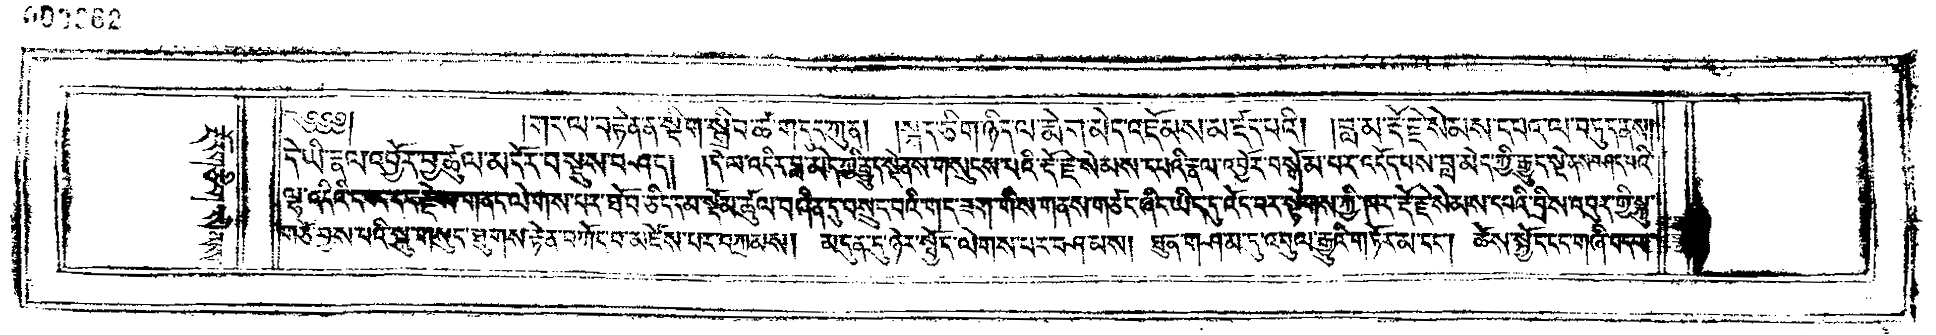༄༅༅། །གང་ལ་བརྟེན་ན་སྡིག་སྒྲིབ་ཚ་གདུང་ཀུན། །སྐད་ཅིག་ཉིད་ལ་རྨེག་མེད་འཇོམས་མཛད་པའི། །བླ་མ་རྡོ་རྗེ་སེམས་དཔའ་ལ་བཏུད་ནས།
དེ་ཡི་རྣལ་འབྱོར་བྱ་ཚུལ་མདོར་བསྡུས་བཤད། །དེ་ལ་འདིར་བླ་མེད་ཀྱི་རྒྱུད་སྡེ་ནས་གསུངས་པའི་རྡོ་རྗེ་སེམས་དཔའི་རྣལ་འབྱོར་བསྒོམ་པར་འདོད་པས་བླ་མེད་ཀྱི་རྒྱུད་སྡེ་ནས་བཤད་པའི་
ལྷ་འདིའི་དབང་དང་རྗེས་གནང་ལེགས་པར་ཐོབ་ཅིང་དམ་སྡོམ་ཚུལ་བཞིན་དུ་བསྲུང་བའི་གང་ཟག་གིས་གནས་གཙང་ཞིང་ཡིད་དུ་འོང་བར་སྟེགས་ཀྱི་ཁར་རྡོ་རྗེ་སེམས་དཔའི་བྲིས་འབུར་གྱི་སྐུ་
གཙོ་བྱས་པའི་སྐུ་གསུང་ཐུགས་རྟེན་བཀོང་བ་མཛེས་པར་བཀྲམས། མདུན་དུ་ཉེར་སྤྱོད་ལེགས་པར་བཤམས། ཐུན་གཤམ་དུ་འབུལ་རྒྱུའི་གཏོར་མ་དང་། ཆོས་སྐྱོང་དང་གཞི་བདག་